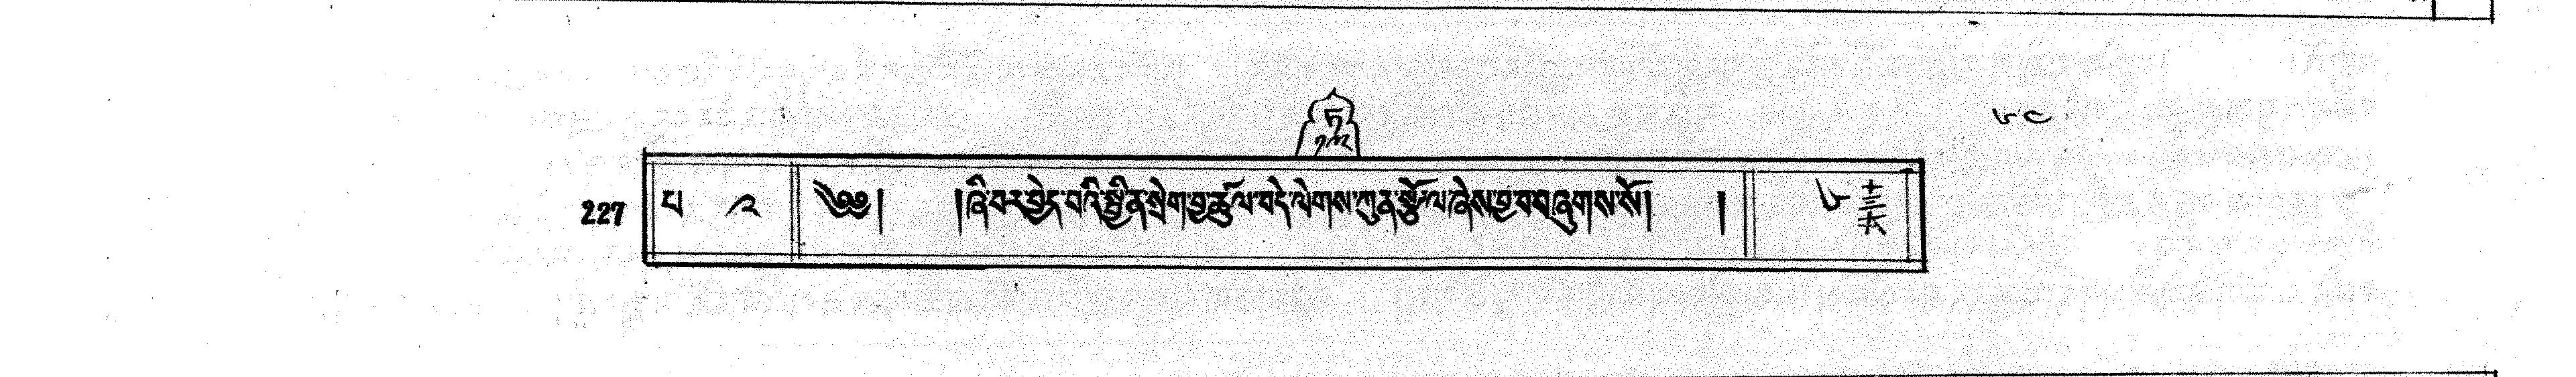ཏ ༡༣?
༄༅། །ཞི་བར་བྱེད་པའི་སྦྱིན་སྲེག་བྱ་ཚུལ་བདེ་ལེགས་ཀུན་སྩོལ་ཞེས་བྱ་བ་བཞུགས་སོ། །